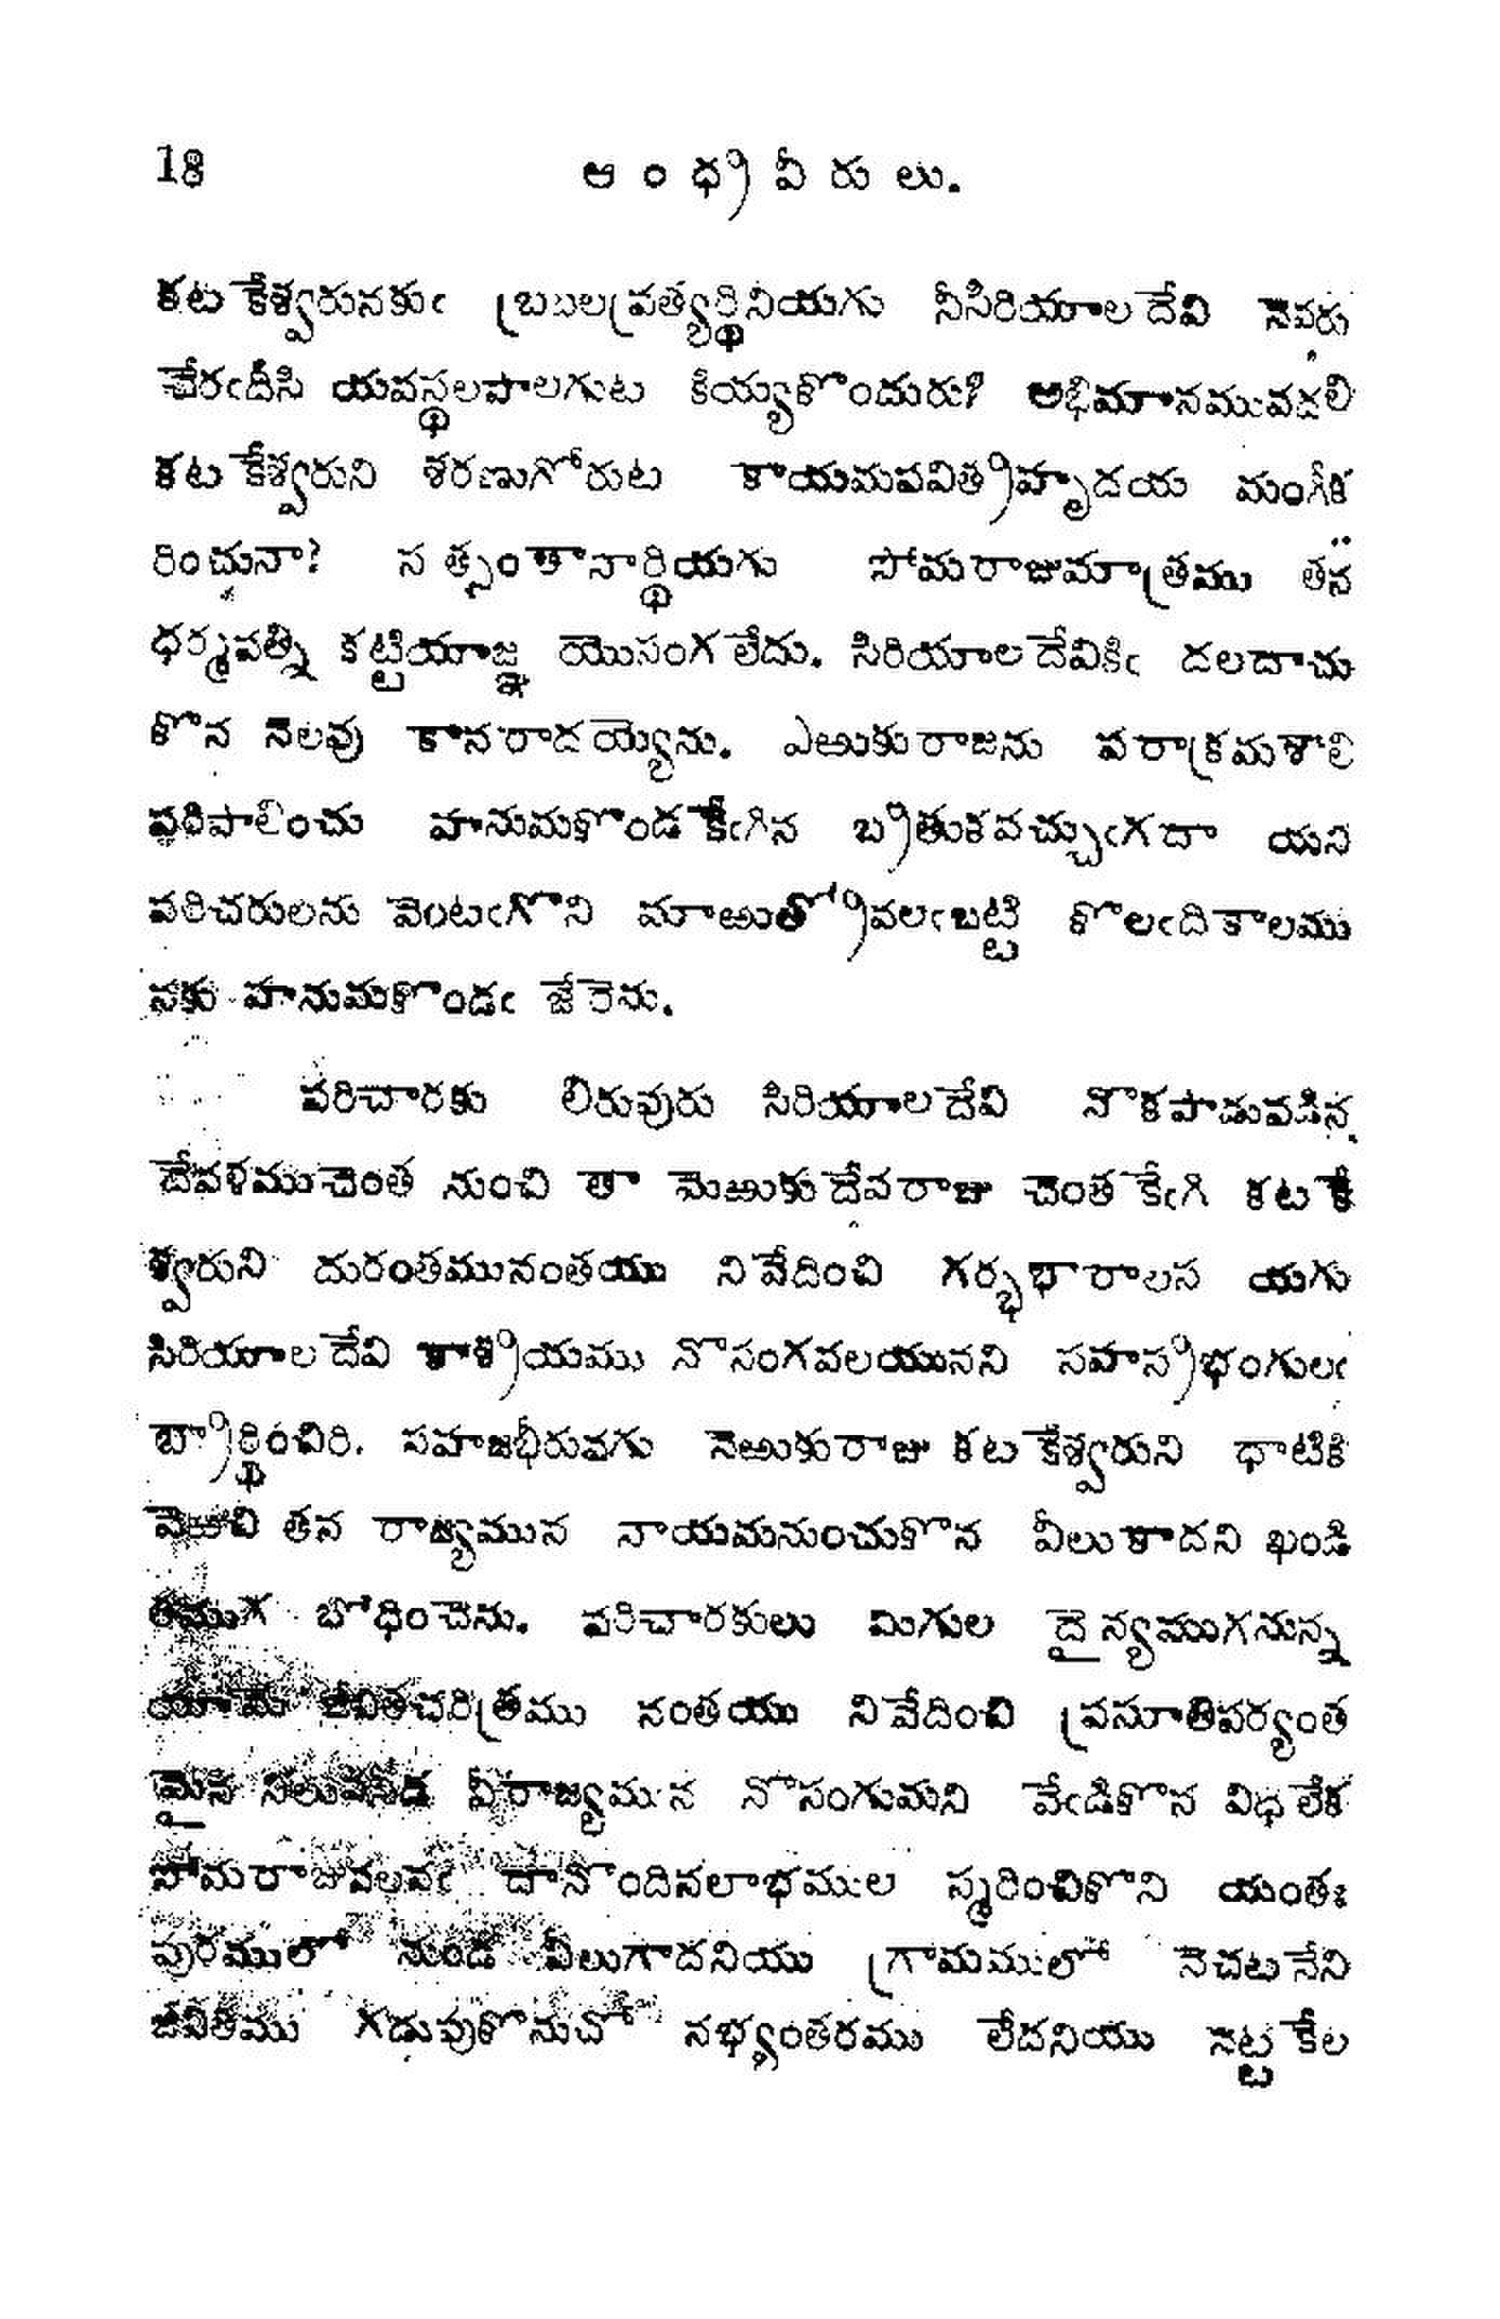కటకేశ్వరునకు బ్రబలప్రత్యర్థినియగు నీసిరియాలదేవి నెవరు చేరదీసి యవస్థలపాలగుట కియ్యకొందురు? అభిమానమువదలి కటకేశ్వరుని శరణుగోరుట కాయమపవిత్రహృదయ మంగీకరించునా ? సత్సంతానార్థియగు సోమరాజుమాత్రము తన ధర్మపత్ని కట్టియాజ్ఞ యొసంగలేదు. సిరియాలదేవికి దలదాచుకొన నెలవు కానరాదయ్యెను. ఎఱుకురాజను పరాక్రమశాలి పరిపాలించు హనుమకొండ కేగిన బ్రతుకవచ్చుగదా యని పరిచరులను వెంటగొని మాఱు త్రోవలబట్టి కొలది కాలమువకు హనుమకొండ జేరెను.

పరిచారకు లిరువురు సిరియాలదేవి నొకపాడుపడిన దేవళముచెంత నుంచి తా మెఱుకుదేవరాజు చెంతకేగి కటకేశ్వరుని దురంతమునంతయు నివేదించి గర్భభారాలస యగు సిరియాలదేవి కాశ్రయము నొసంగవలయునని సహస్రభంగుల బ్రార్థించిరి. సహజభీరువగు నెఱుకురాజు కటకేశ్వరుని ధాటికి వెఱచి తన రాజ్యమున నాయమనుంచుకొన వీలుకాదని ఖండితముగ బోధించెను. పరిచారకులు మిగుల దైన్యముగనున్న యామ జీవితచరిత్రము నంతయు నివేదించి ప్రసూతి పర్యంతమైన నిలువనీడ నీరాజ్యమున నొసంగుమని వేడికొన విధిలేక సోమరాజువలన దానొందిన లాభముల స్మరించికొని యంత:పురములో నుండ వీలుగాదనియు గ్రామములో నెచటనేని జీవితము గడుపుకొనుచో నభ్యంతరము లేదనియు నెట్టకేల